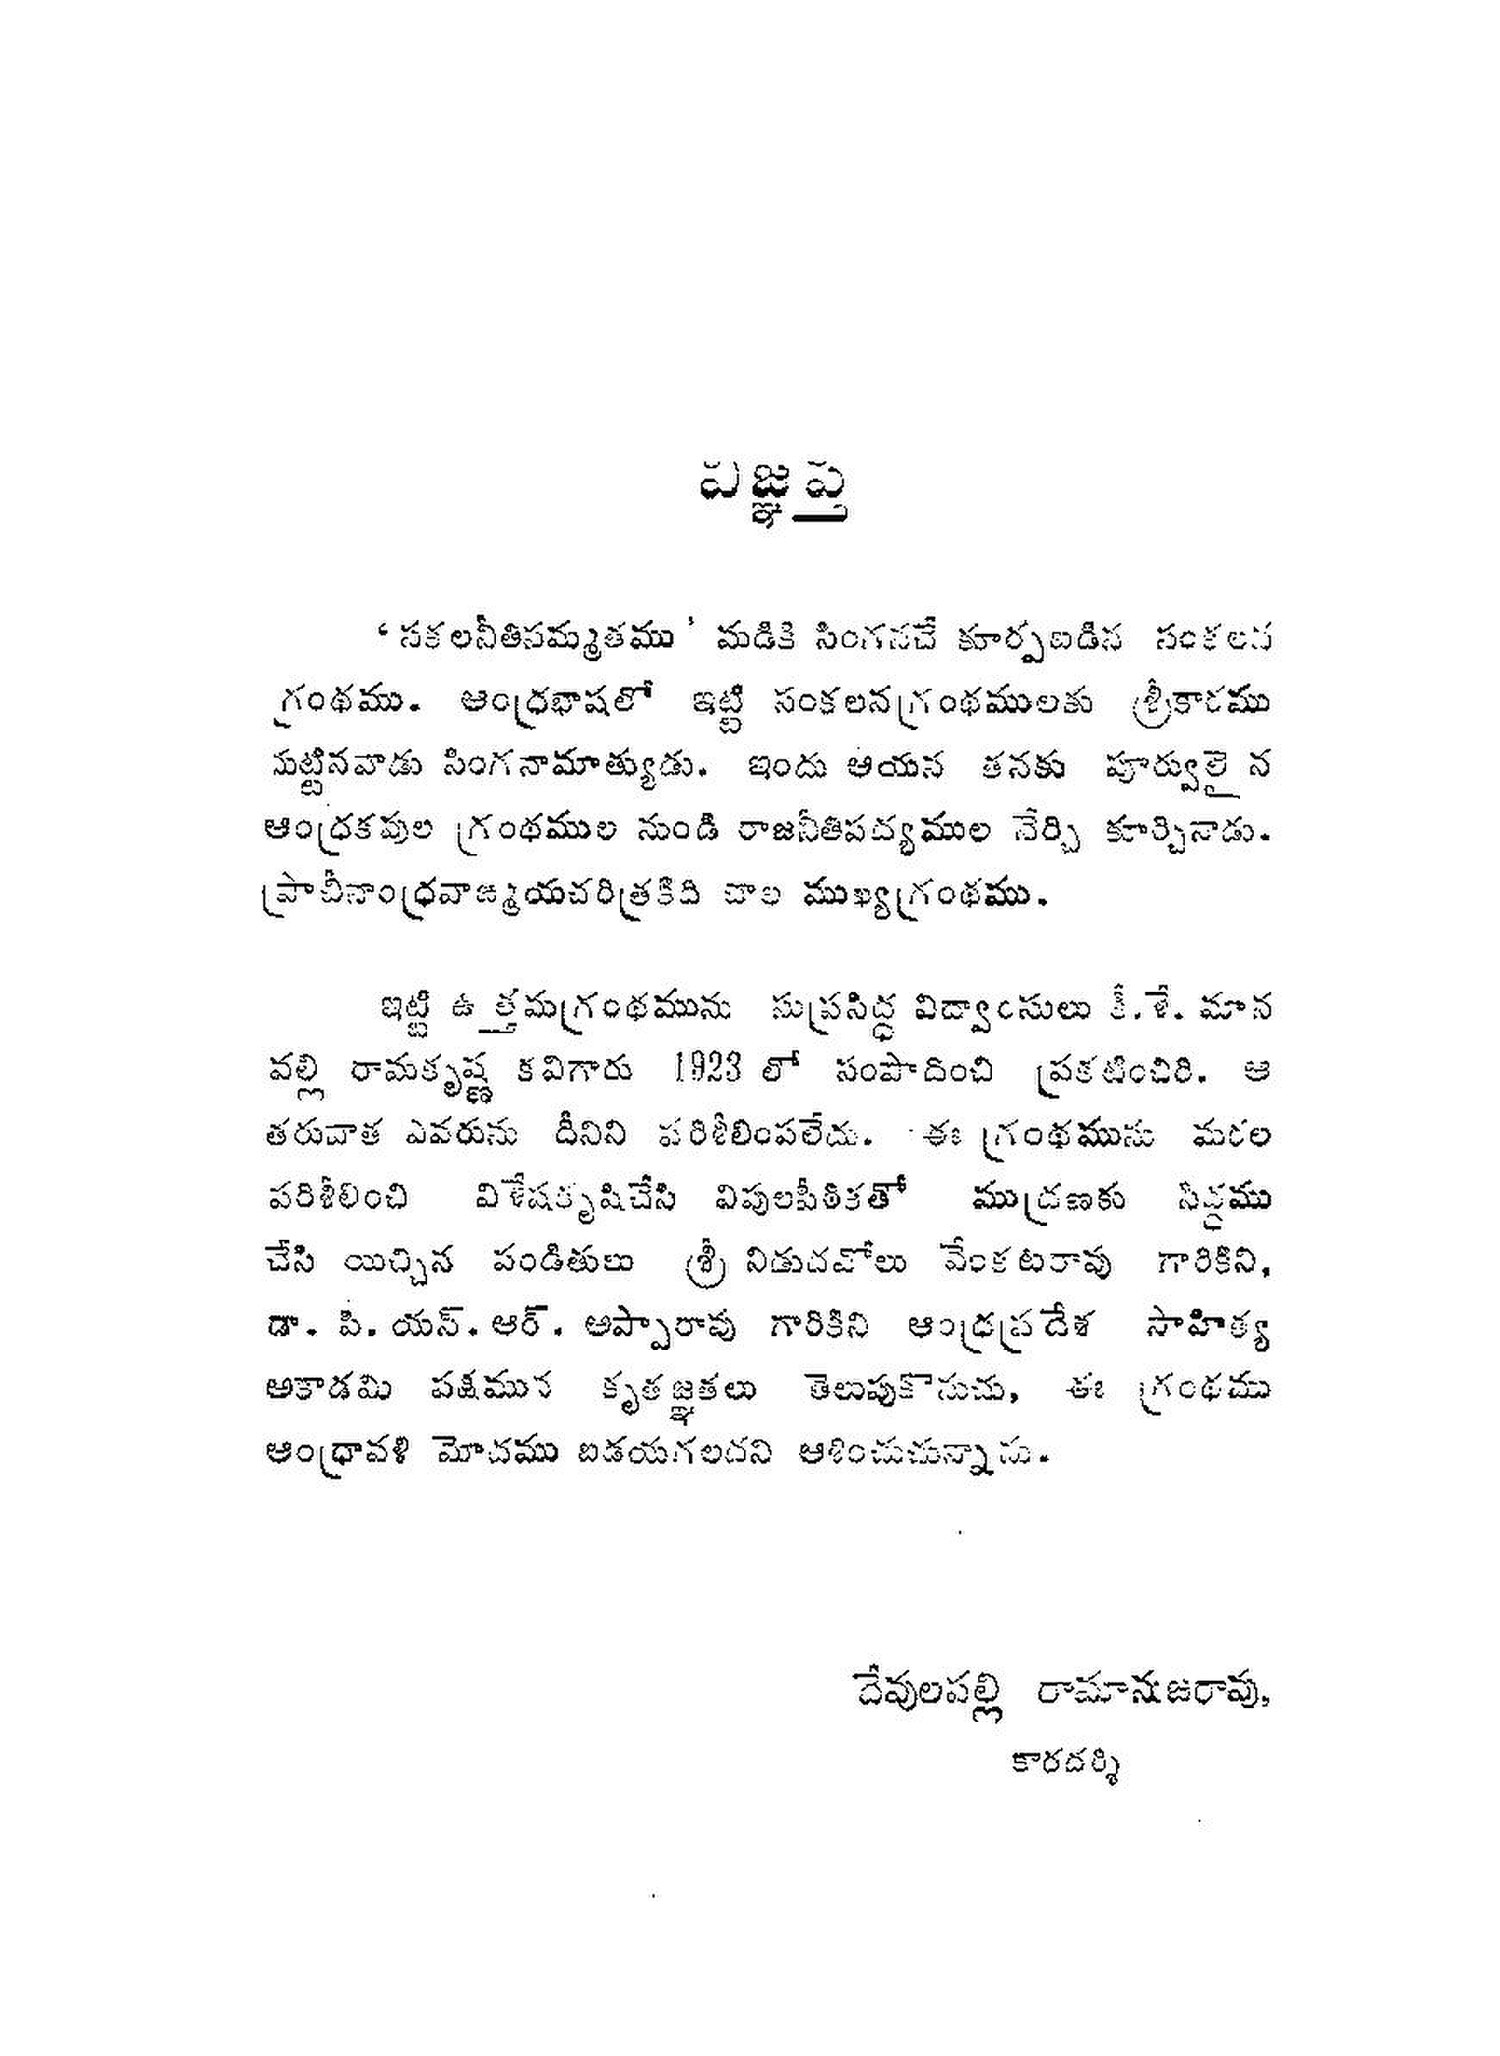‘సకలనీతిసమ్మతము’ మడికి సింగనచే కూర్పబడిన సంకలన గ్రంథము. ఆంధ్రభాషలో ఇట్టి సంకలనగ్రంథములకు శ్రీకారము చుట్టినవాడు సింగనామాత్యుడు. ఇందు ఆయన తనకు పూర్వులైన ఆంధ్రకవుల గ్రంథములనుండి రాజనీతీపద్యముల చేర్చి కూర్చినాడు. ప్రాచీనాంధ్రవాఙ్మయచరిత్రకిది చాల ముఖ్యగ్రంథము.

ఇట్టి ఉత్తమగ్రంథమును సుప్రసిద్ధ విద్వాంసులు కీ.శే. మానవల్లి రామకృష్ణ కవిగారు. 1923 లో సంపాదించి ప్రకటించిరి. ఆ తరువాత ఎవరును దీనిని పరిశీలింపలేదు. ఈ గ్రంథముసు మరల పరిశీలించి విశేషకృషిచేసి విపులపీఠికతో ముద్రణకు సిద్ధము చేసి యిచ్చిన పండితులు శ్రీ నిడుదవోలు వేంకటరావు గారికిని, డా. పి. యస్. ఆర్. అప్పారావు గారికిని ఆంధ్రప్రదేశ సాహిత్య అకాడమి పక్షమున కృతజ్ఞతలు తెలుపుకొనుచు, ఈ గ్రంథము ఆంధ్రావళి మోదము బడయగలదని ఆశించుచున్నాను.